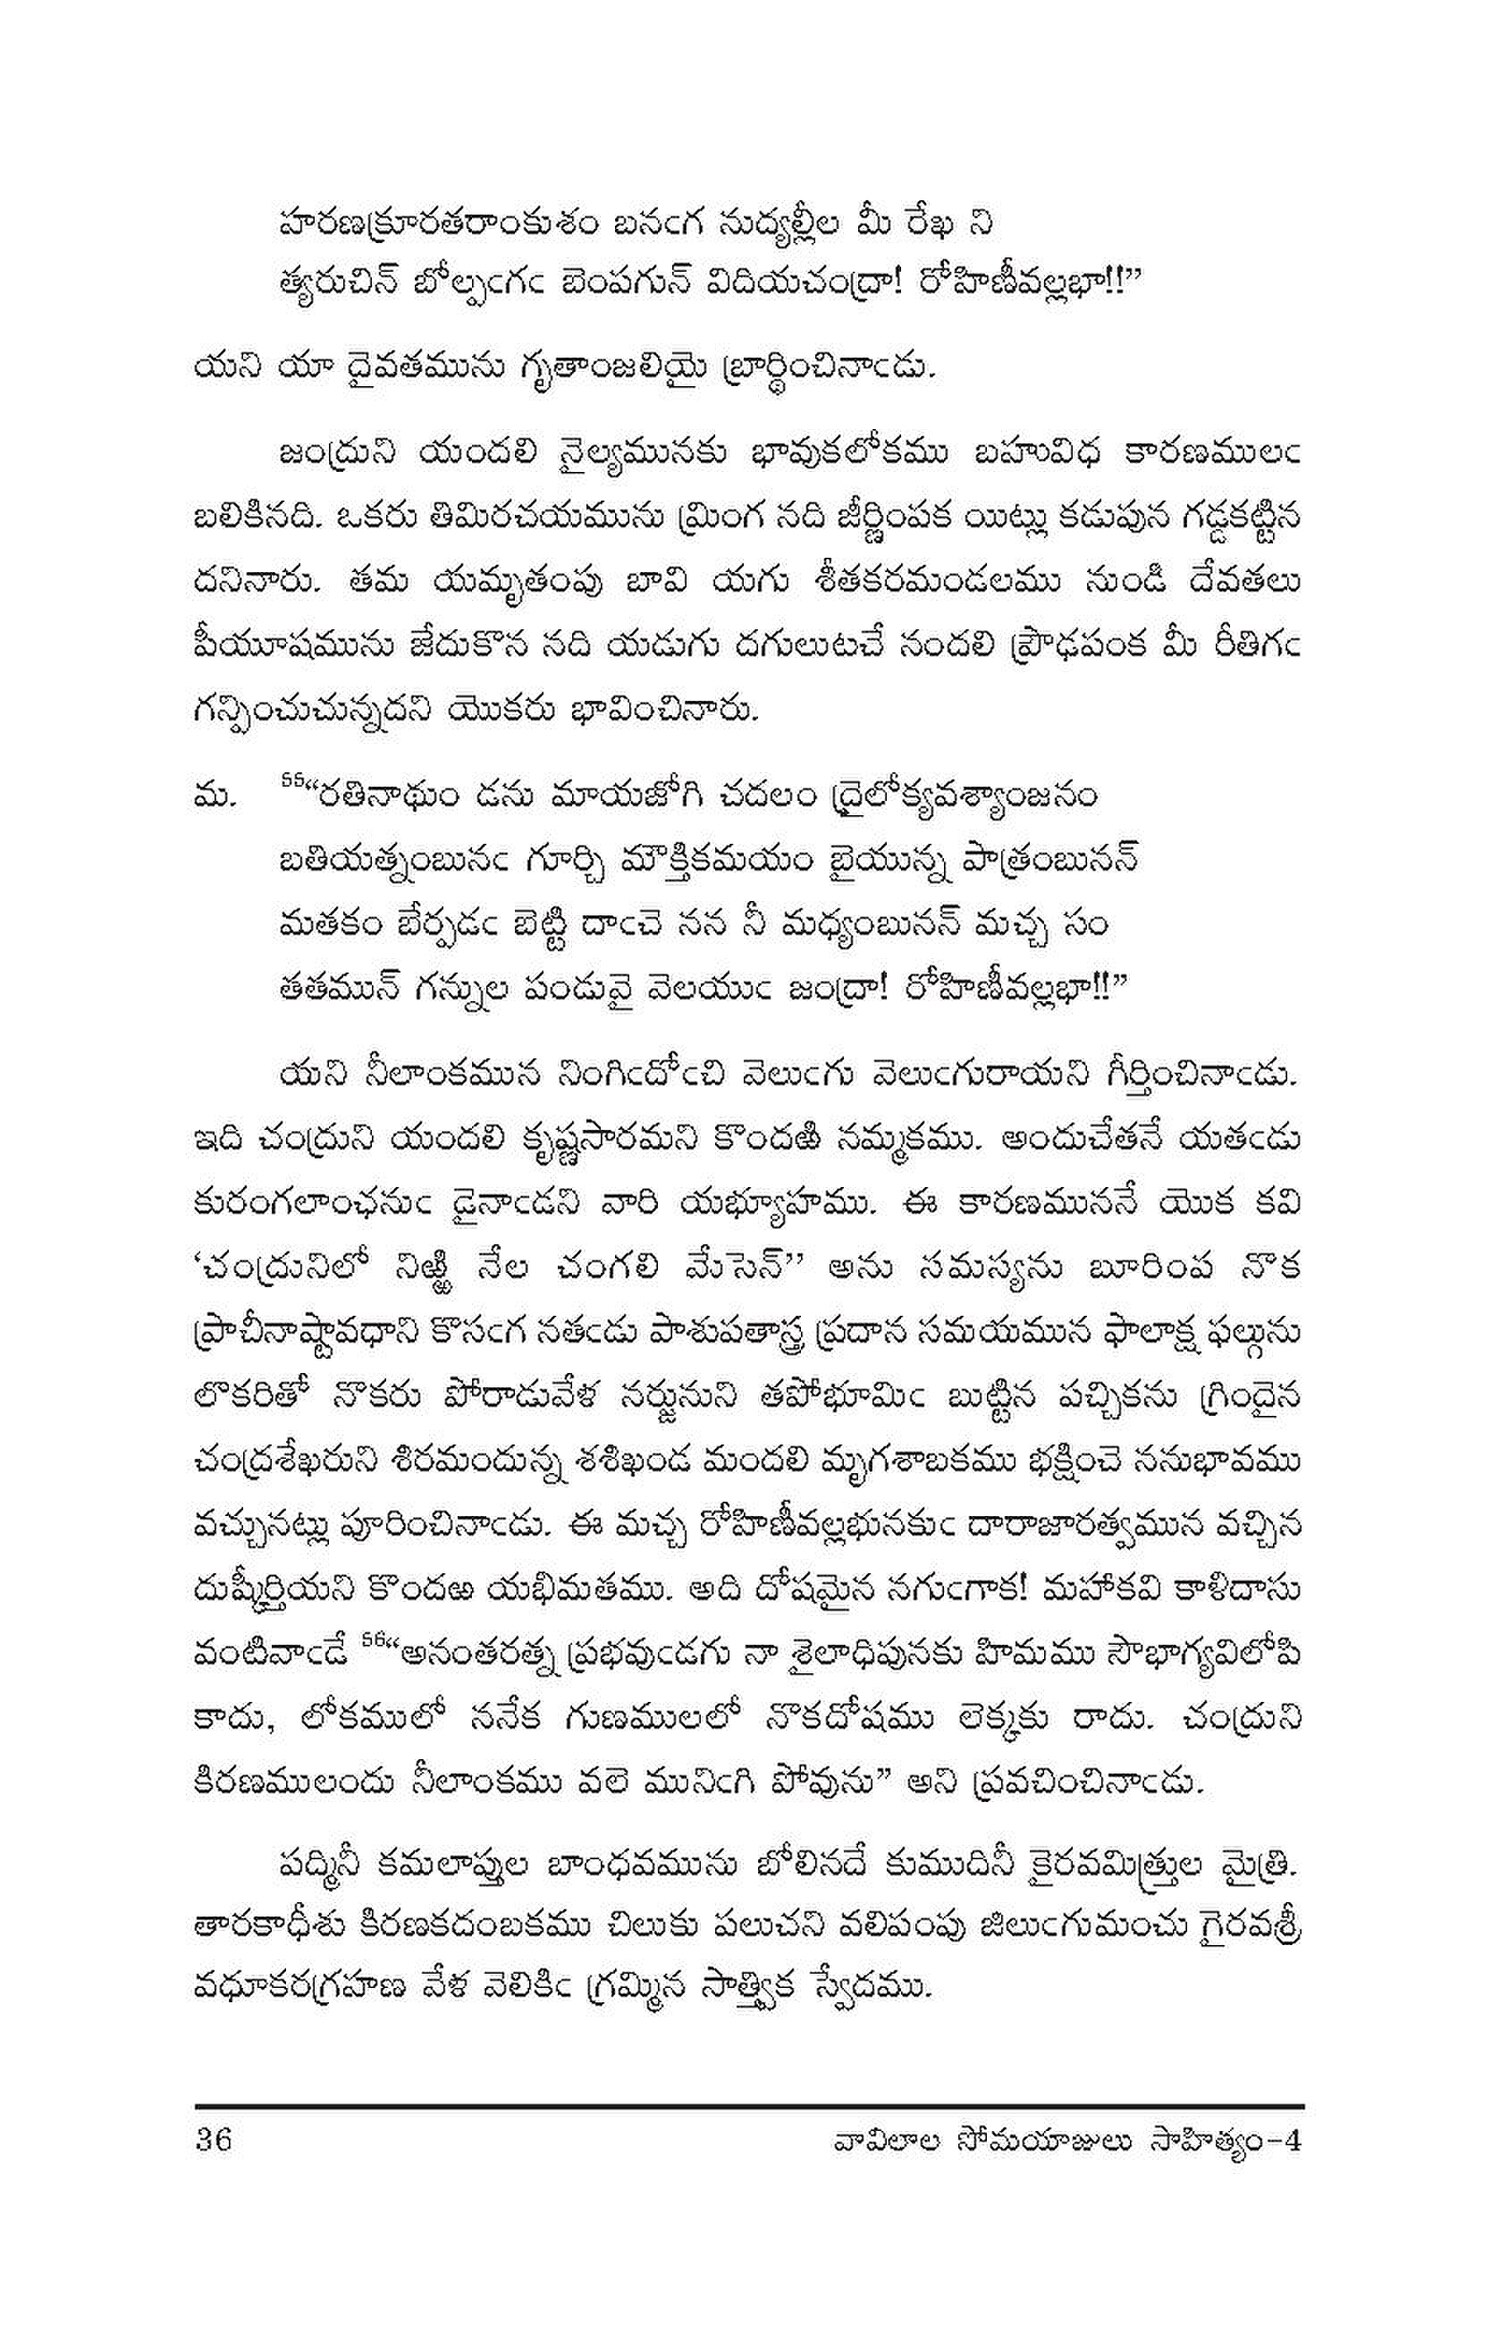హరణక్రూరతరాంకుశం బనఁగ నుద్యల్లీల మీ రేఖ ని
 త్యరుచిన్ బోల్పఁగఁ బెంపగున్ విదియచంద్రా! రోహిణీవల్లభా!!"

యని యా దైవతమును గృతాంజలియై బ్రార్థించినాఁడు.

జంద్రుని యందలి నైల్యమునకు భావుకలోకము బహువిధ కారణములఁ
బలికినది. ఒకరు తిమిరచయమును మ్రింగ నది జీర్ణింపక యిట్లు కడుపున గడ్డకట్టిన
దనినారు. తమ యమృతంపు బావి యగు శీతకరమండలము నుండి దేవతలు
పీయూషమును జేదుకొన నది యడుగు దగులుటచే నందలి ప్రౌఢపంక మీ రీతిగఁ
గన్పించుచున్నదని యొకరు భావించినారు.

మ.రతినాథుం డను మాయజోగి చదలం త్రైలోక్యవశ్యాంజనం
 బతియత్నంబునఁ గూర్చి మౌక్తికమయం బైయున్న పాత్రంబునన్
 మతకం బేర్పడఁ బెట్టి దాఁచె నన నీ మధ్యంబునన్ మచ్చ సం
 తతమున్ గన్నుల పండువై వెలయుఁ జంద్రా! రోహిణీవల్లభా!!"

యని నీలాంకమున నింగిఁదోఁచి వెలుఁగు వెలుఁగురాయని గీర్తించినాఁడు.
ఇది చంద్రుని యందలి కృష్ణసారమని కొందఱి నమ్మకము. అందుచేతనే యతఁడు
కురగలాంఛఁ డైనాఁడని వారి యభ్యూహము. ఈ కారణముననే యొక కవి
'చంద్రునిలో నిట్టి నేల చంగలి మేసెన్" అను సమస్యను బూరింప నొక
ప్రాచీనాష్టావధాని కొసఁగ నతఁడు పాశుపతాస్త్ర ప్రదాన సమయమున ఫాలాక్ష ఫల్గును
లొకరితో నొకరు పోరాడువేళ నర్జునుని తపోభూమిఁ బుట్టిన పచ్చికను గ్రిందైన
చంద్రశేఖరుని శిరమందున్న శశిఖండ మందలి మృగశాబకము భక్షించె ననుభావము
వచ్చునట్లు పూరించినాఁడు. ఈ మచ్చ రోహిణీవల్లభునకుఁ దారాజారత్వమున వచ్చిన
దుష్కీర్తియని కొందఱ యభిమతము. అది దోషమైన నగుఁగాక! మహాకవి కాళిదాసు
వంటివాఁడే అనంతరత్న ప్రభవుఁడగు నా శైలాధిపునకు హిమము సౌభాగ్యవిలోపి
కాదు, లోకములో ననేక గుణములలో నొకదోషము లెక్కకు రాదు. చంద్రుని
కిరణములందు నీలాంకము వలె మునిఁగి పోవును" అని ప్రవచించినాఁడు.

పద్మినీ కమలాప్తుల బాంధవమును బోలినదే కుముదినీ కైరవమిత్త్రుల మైత్రి.
తారకాధీశు కిరణకదంబకము చిలుకు పలుచని వలిపంపు జిలుఁగుమంచు గైరవశ్రీ
వధూకరగ్రహణ వేళ వెలికిఁ గ్రమ్మిన సాత్విక స్వేదము.